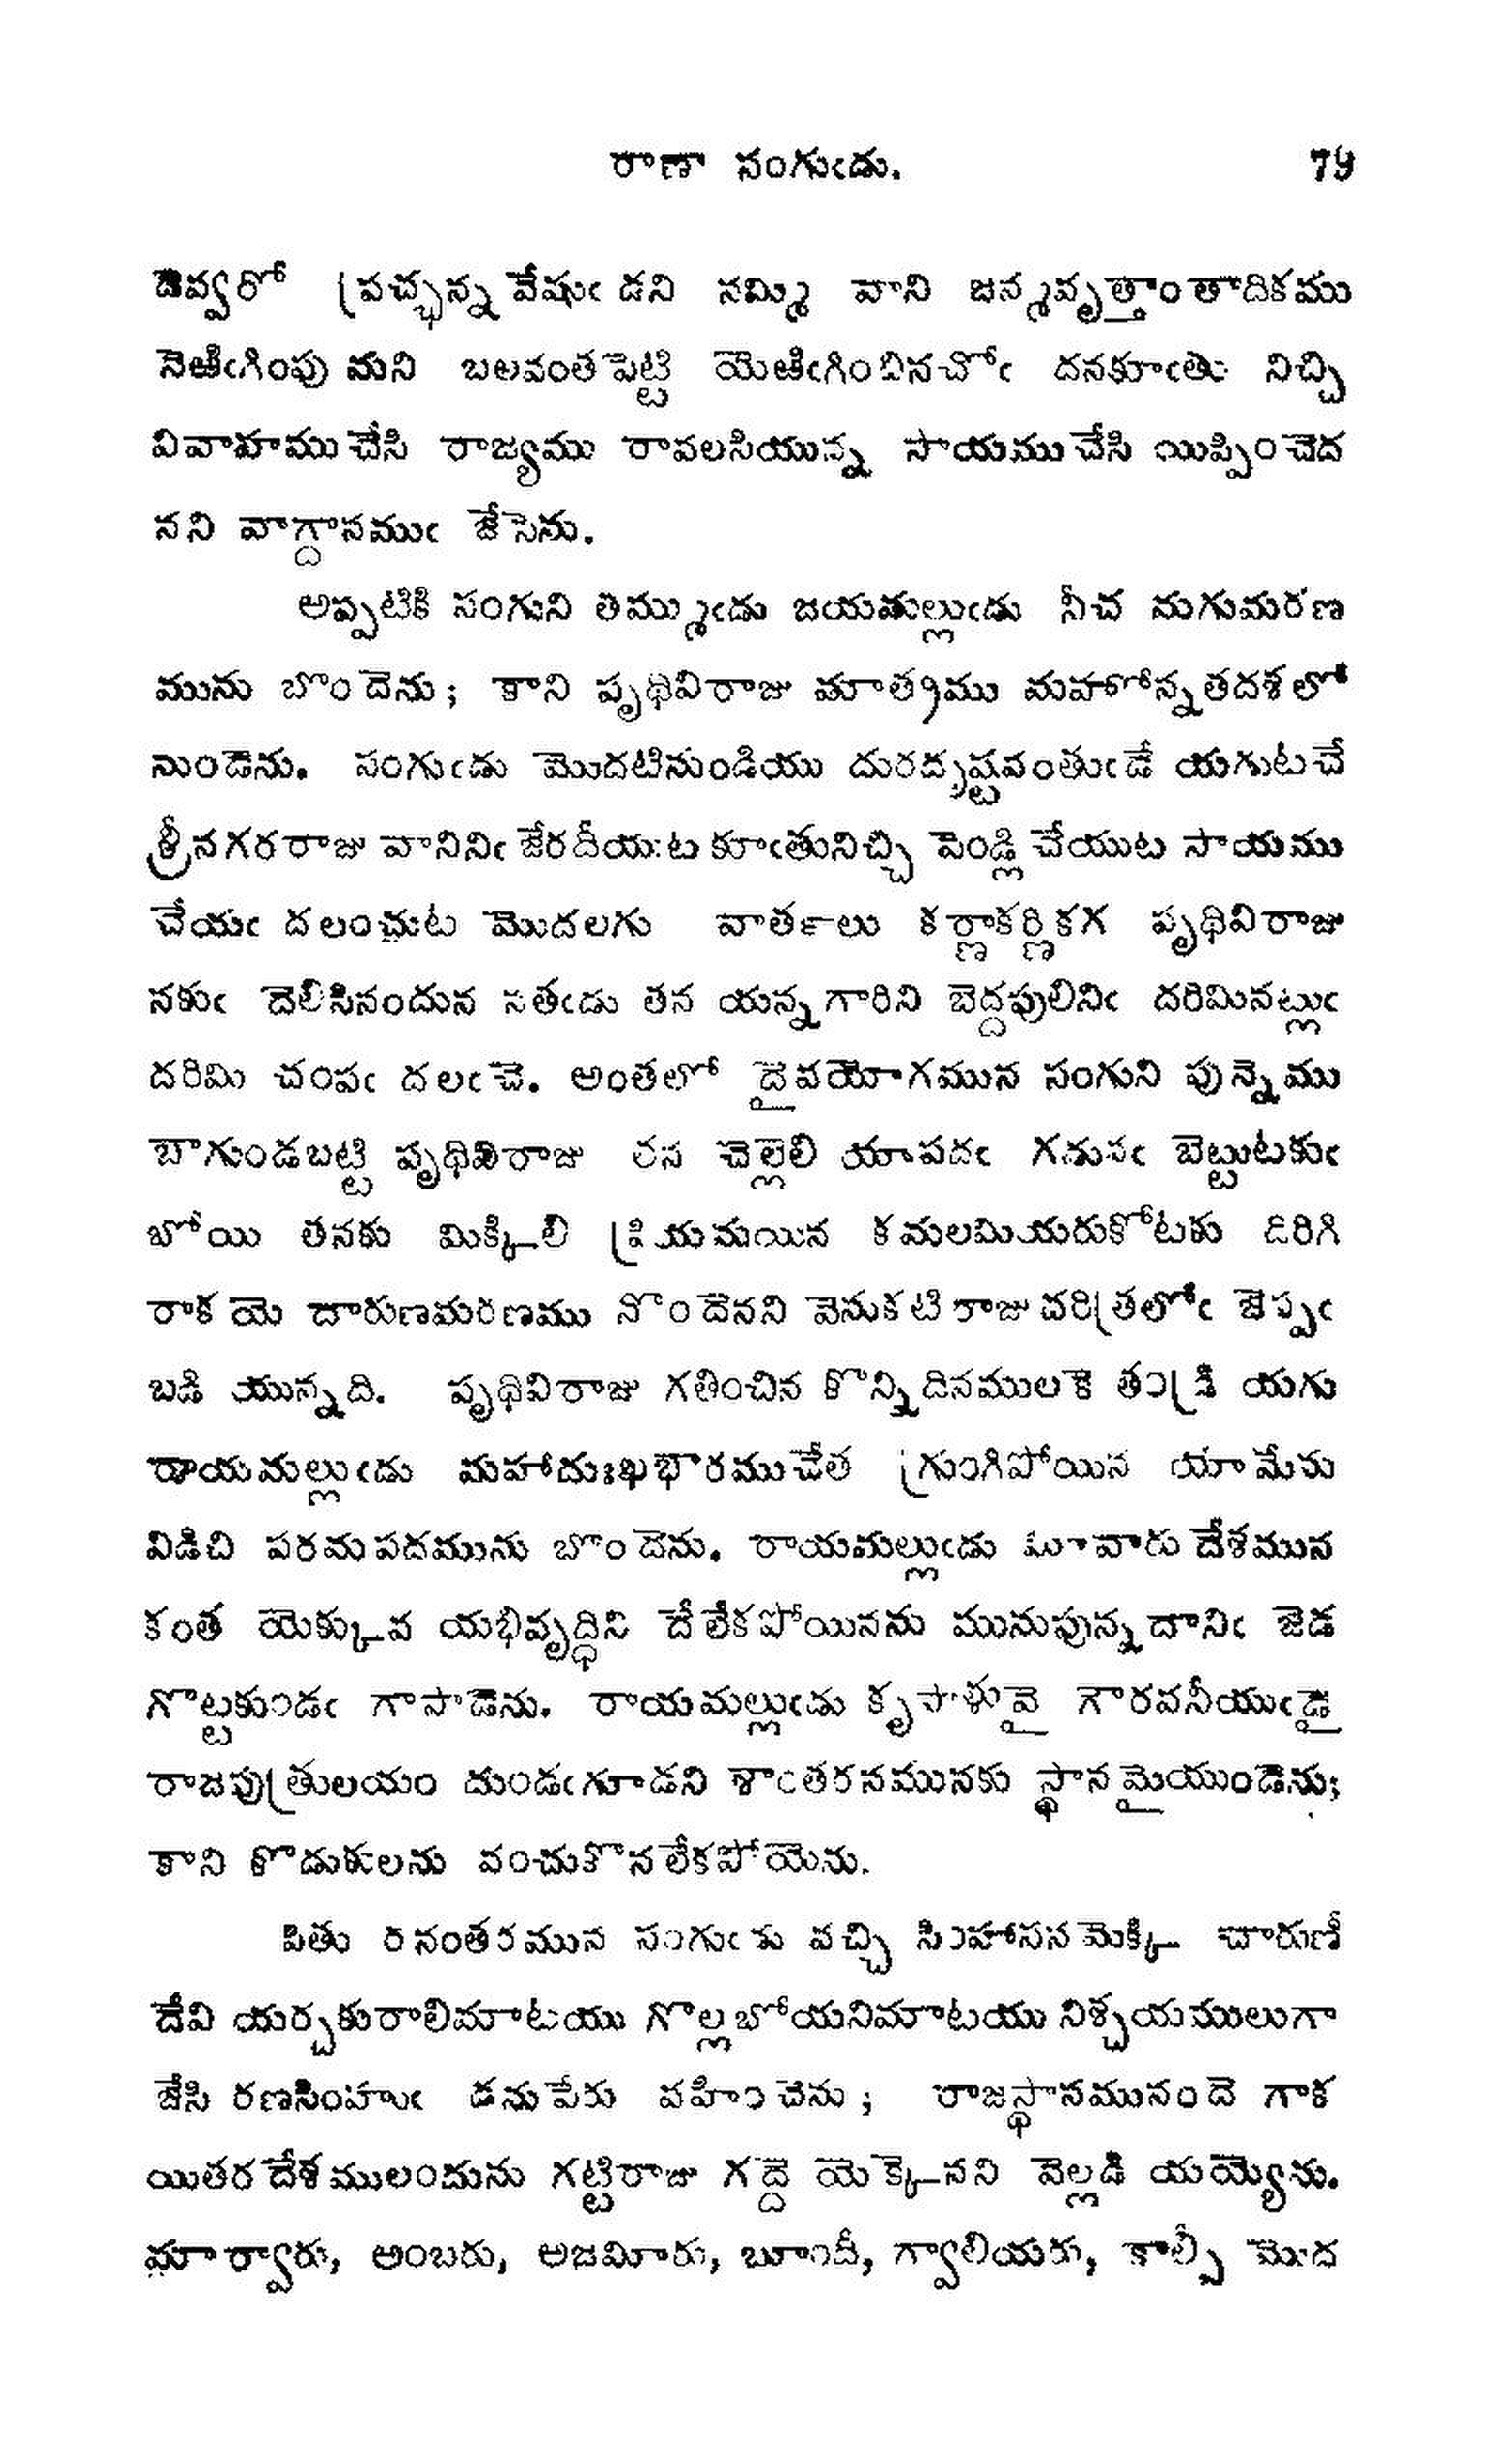డెవ్వరో ప్రచ్ఛన్న వేషుఁడని నమ్మి వాని జన్మవృత్తాంతాదికము నెఱిఁగింపు మని బలవంతపెట్టి యెఱిఁగించిన చోఁ దనకూఁతు నిచ్చి
వివాహము చేసి రాజ్యము రావలసియున్న సాయము చేసి యిప్పించెద నని వాగ్దానముఁ జేసెను.

అప్పటికి సంగుని తమ్ముఁడు జయమల్లుఁడు నీచ మగుమరణమును బొందెను; కాని పృథివిరాజు మాత్రము మహోన్నతదశలో నుండెను.
సంగుఁడు మొదటినుండియు దురదృష్టవంతుఁడే యగుటచే శ్రీనగరరాజు వానినిఁ జేరదీయుట కూఁతునిచ్చి పెండ్లి చేయుట సాయము
చేయఁ దలంచుట 'మొదలగు వాత౯లు కర్ణాకర్ణికగ పృథివిరాజు నకుఁ దెలిసినందున నతఁడు తన యన్న గారిని బెద్దపులినిఁ దరిమినట్లు
దరిమి చంపఁ దలఁచె. అంతలో దైవయోగమున సంగుని పున్నెము బాగుండ బట్టి పృథివి రాజు తన చెల్లెలి యాపదఁ గడువ బెట్టుటకుఁ
బోయి తనకు మిక్కిలి ప్రియమయిన కమలమియరుకోటకు దిరిగి రాకయె దారుణమరణము నొందేనని వెనుకటి రాజు చరిత్రలోఁ జెప్పఁ
బడి యున్నది. పృధివిరాజు గతించిన కొన్ని దినములకే తండ్రి యగు రాయమల్లుఁడు మహాదుఃఖభారము చేత గ్రుంగిపోయిన యామేను
విడిచి పరమపదమును బొందెను. రాయమల్లుఁడు మివారు దేశమున కంత యెక్కువ యభివృద్ధిని దేలేక పోయినను మునుపున్న దానిఁ జెడ
గొట్టకుండఁ గాపాడెను. రాయమల్లుఁడు కృపాళువై గౌరవనీయుఁడై రాజపుత్రులయం దుండఁగూడని శాంతరసమునకు స్థానమైయుండెను;
కాని కొడుకులను వంచుకొన లేకపోయెను.

పితు రనంతరమున సంగుఁడు వచ్చి సింహాసనమెక్కి చారుణీదేవి యర్చకురాలి మాటయు గొల్లబోయని మాటయు నిశ్చయములుగా
జేసి రణసింహుఁ డను పేరు వహించెను; రాజస్థానమునందే గాక యితర దేశ ములందును గట్టిరాజు గద్దె యెక్కెనని వెల్లడి యయ్యెను.
మార్వారు, అంబరు, అజమిరు, బూందీ, గ్వాలియరు, కాల్సీ మోద